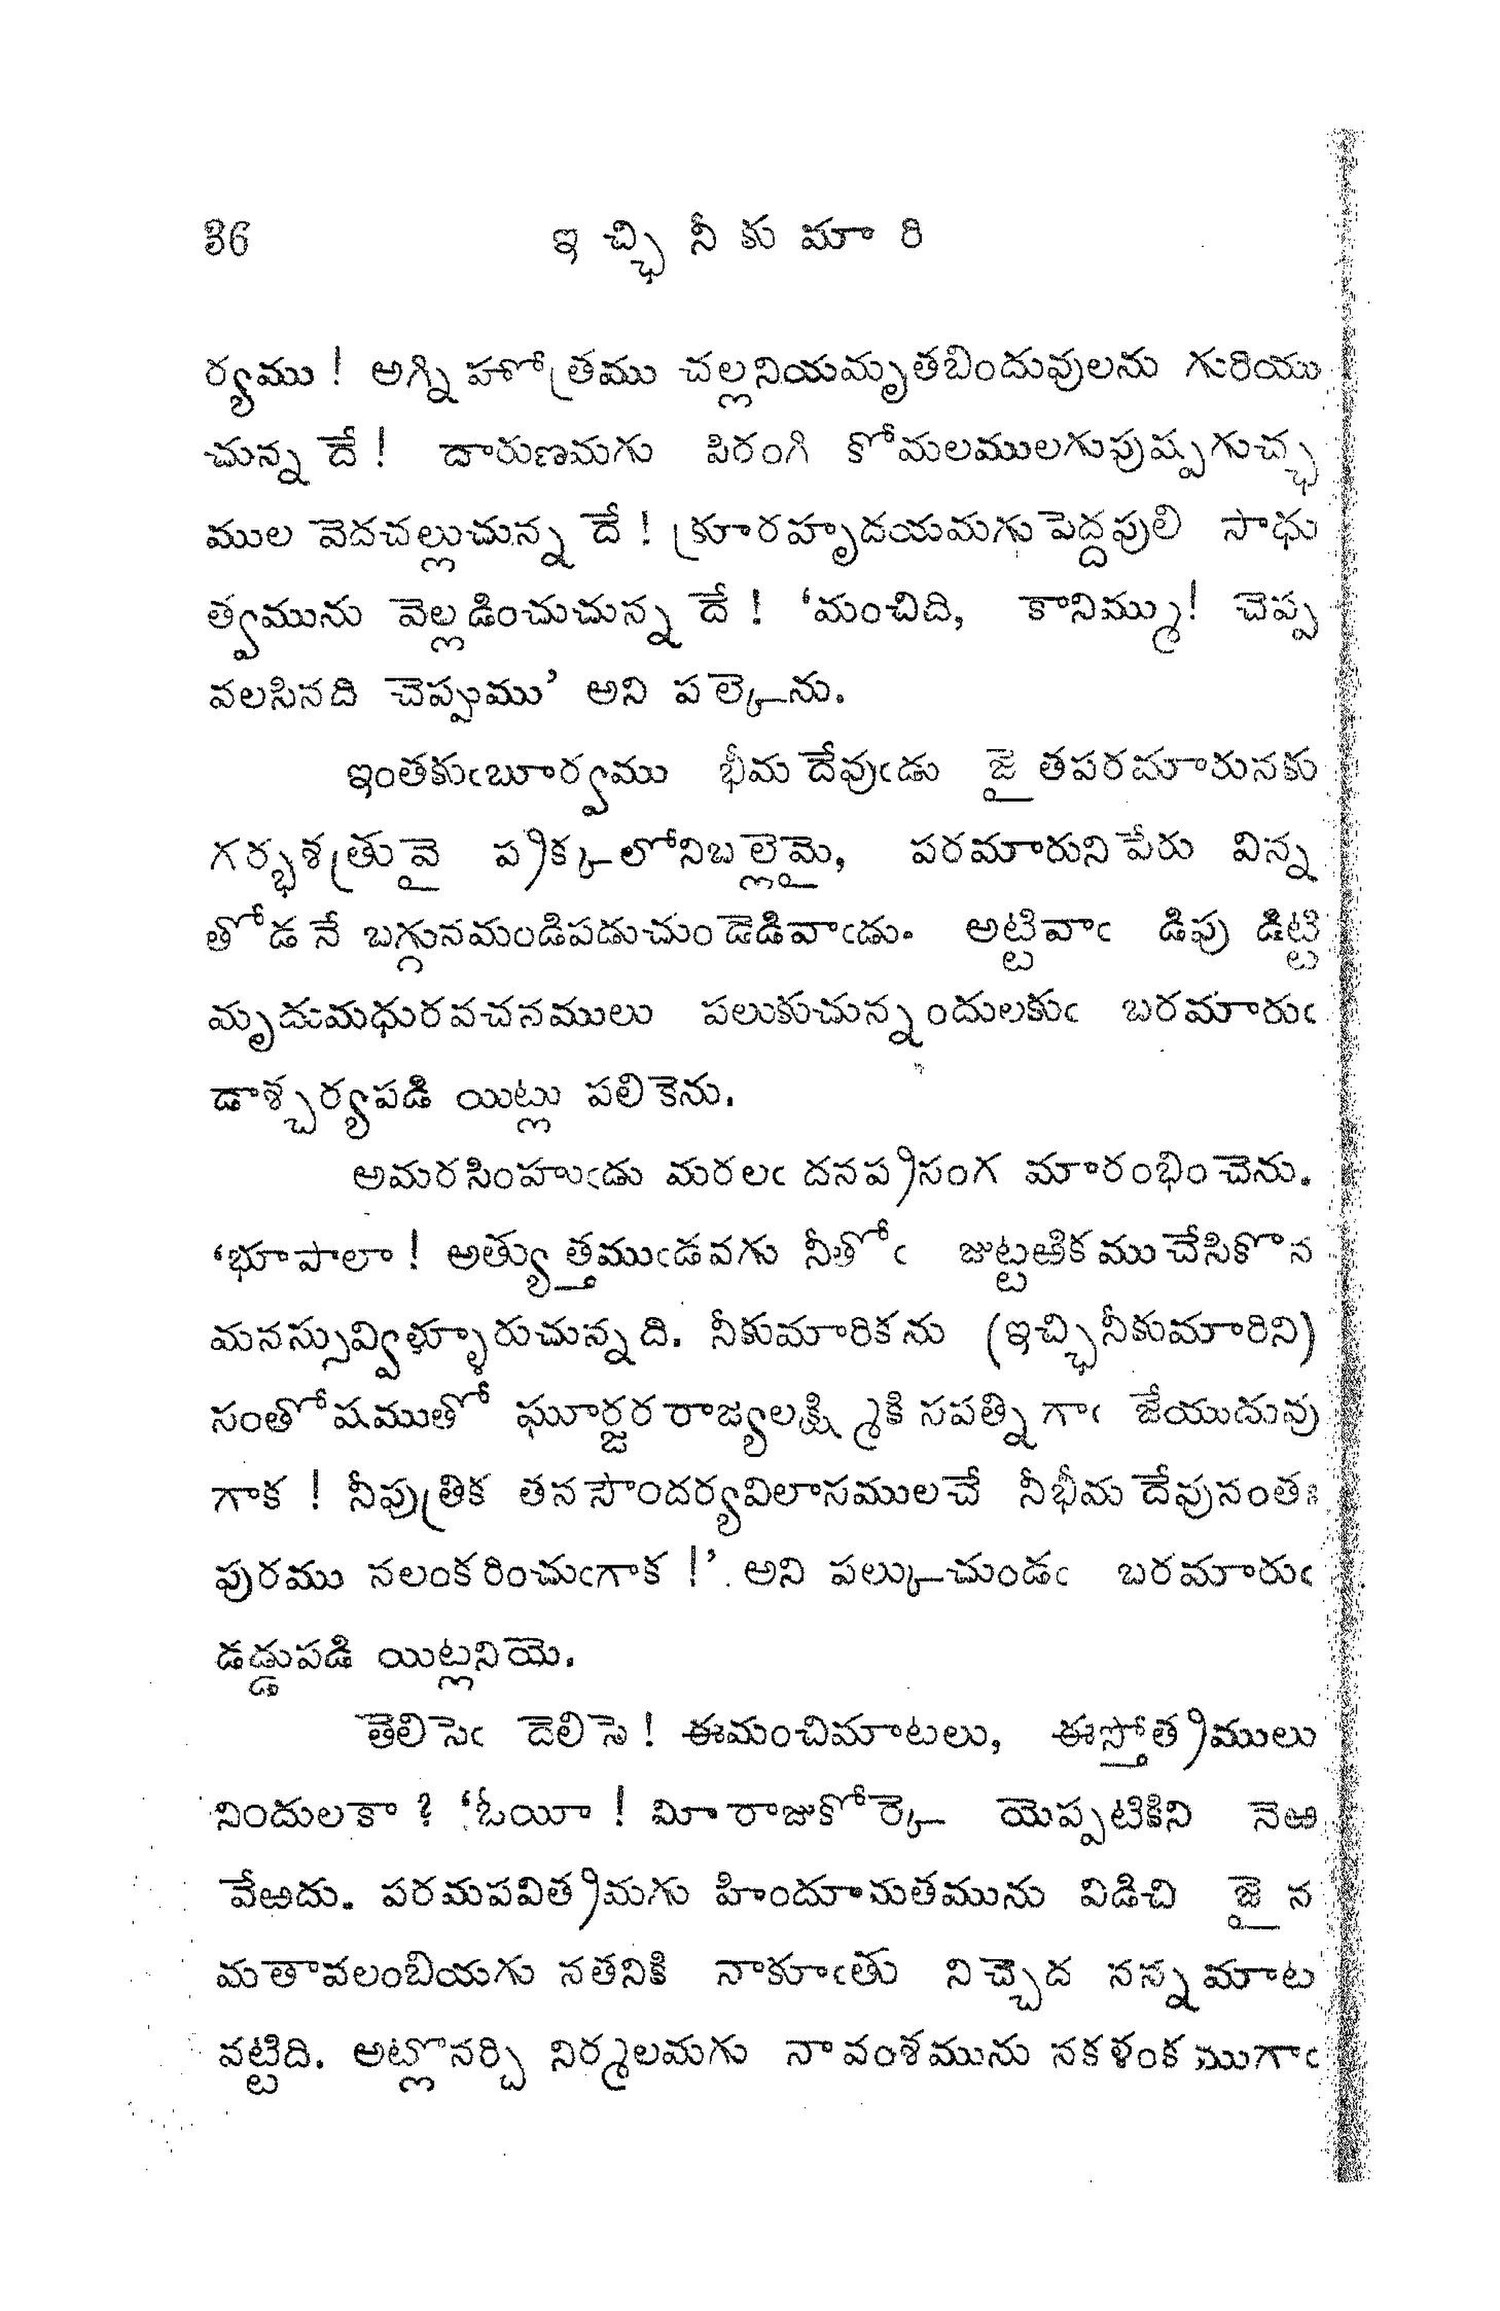ర్యము ! అగ్ని హోత్రము చల్లనియమృతబిందువులను గురియు చున్నదే ! దారుణమగు పిరంగి కోమలములగు పుష్పగుచ్ఛ ముల వెదచల్లుచున్నదే ! క్రూర హృదయమగు పెద్దపులి సాధు త్వమును వెల్లడించుచున్నదే ! 'మంచిది, కానిమ్ము! చెప్ప వలసినది చెప్పుము' అని పల్కెను.

ఇంతకుఁబూర్వము భీమ దేవుఁడు జై తపరచమునకు గర్భశత్రువై పక్కలోనిబల్లెమై, పరమారుని పేరు విన్న తోడనే బగ్గునమండిపడుచుండెడివాఁడు. అట్టివాఁ డిపు డిట్టి మృదుమధుర వచనములు పలుకుచున్నందులకుఁ బరమారుఁ డాశ్చర్యపడి యిట్లు పలికెను.

అమర సింహుఁడు మరలఁ దన ప్రసంగ మారంభిం చెను. ‘భూపాలా ! అత్యుత్తముఁడవగు నీతో జుట్టఱకము చేసికొన మనస్సువ్విళ్ళూరుచున్నది. నీకుమారికను (ఇచ్చి నీకుమారిని) సంతోషముతో ఘూర్జర రాజ్యలక్ష్మికి సపత్ని గాఁ జేయుదువు గాక ! నీపుత్రిక తన సౌందర్యవిలాసములచే నీ భీము దేవునంతః పురము నలంకరించుఁగాక ! ' అని పల్కుచుండఁ బరమారుఁ డడ్డుపడి యిట్లనియె.

తెలిసెఁ దెలిసె ! ఈమంచిమాటలు, ఈస్తోత్రములు 'నిందులకా ? 'ఓయీ ! మీ రాజుకోర్కె యెప్పటికిని నేఱ వేఱదు. పరమపవిత్రమగు హిందూమతమును విడిచి జైన మతావలంబియగు నతనికి నాకూఁతు నిచ్చెద నన్న మాట వట్టిది. అట్లోనర్చి నిర్మలమగు నా వంశమును నకళంక ముగా